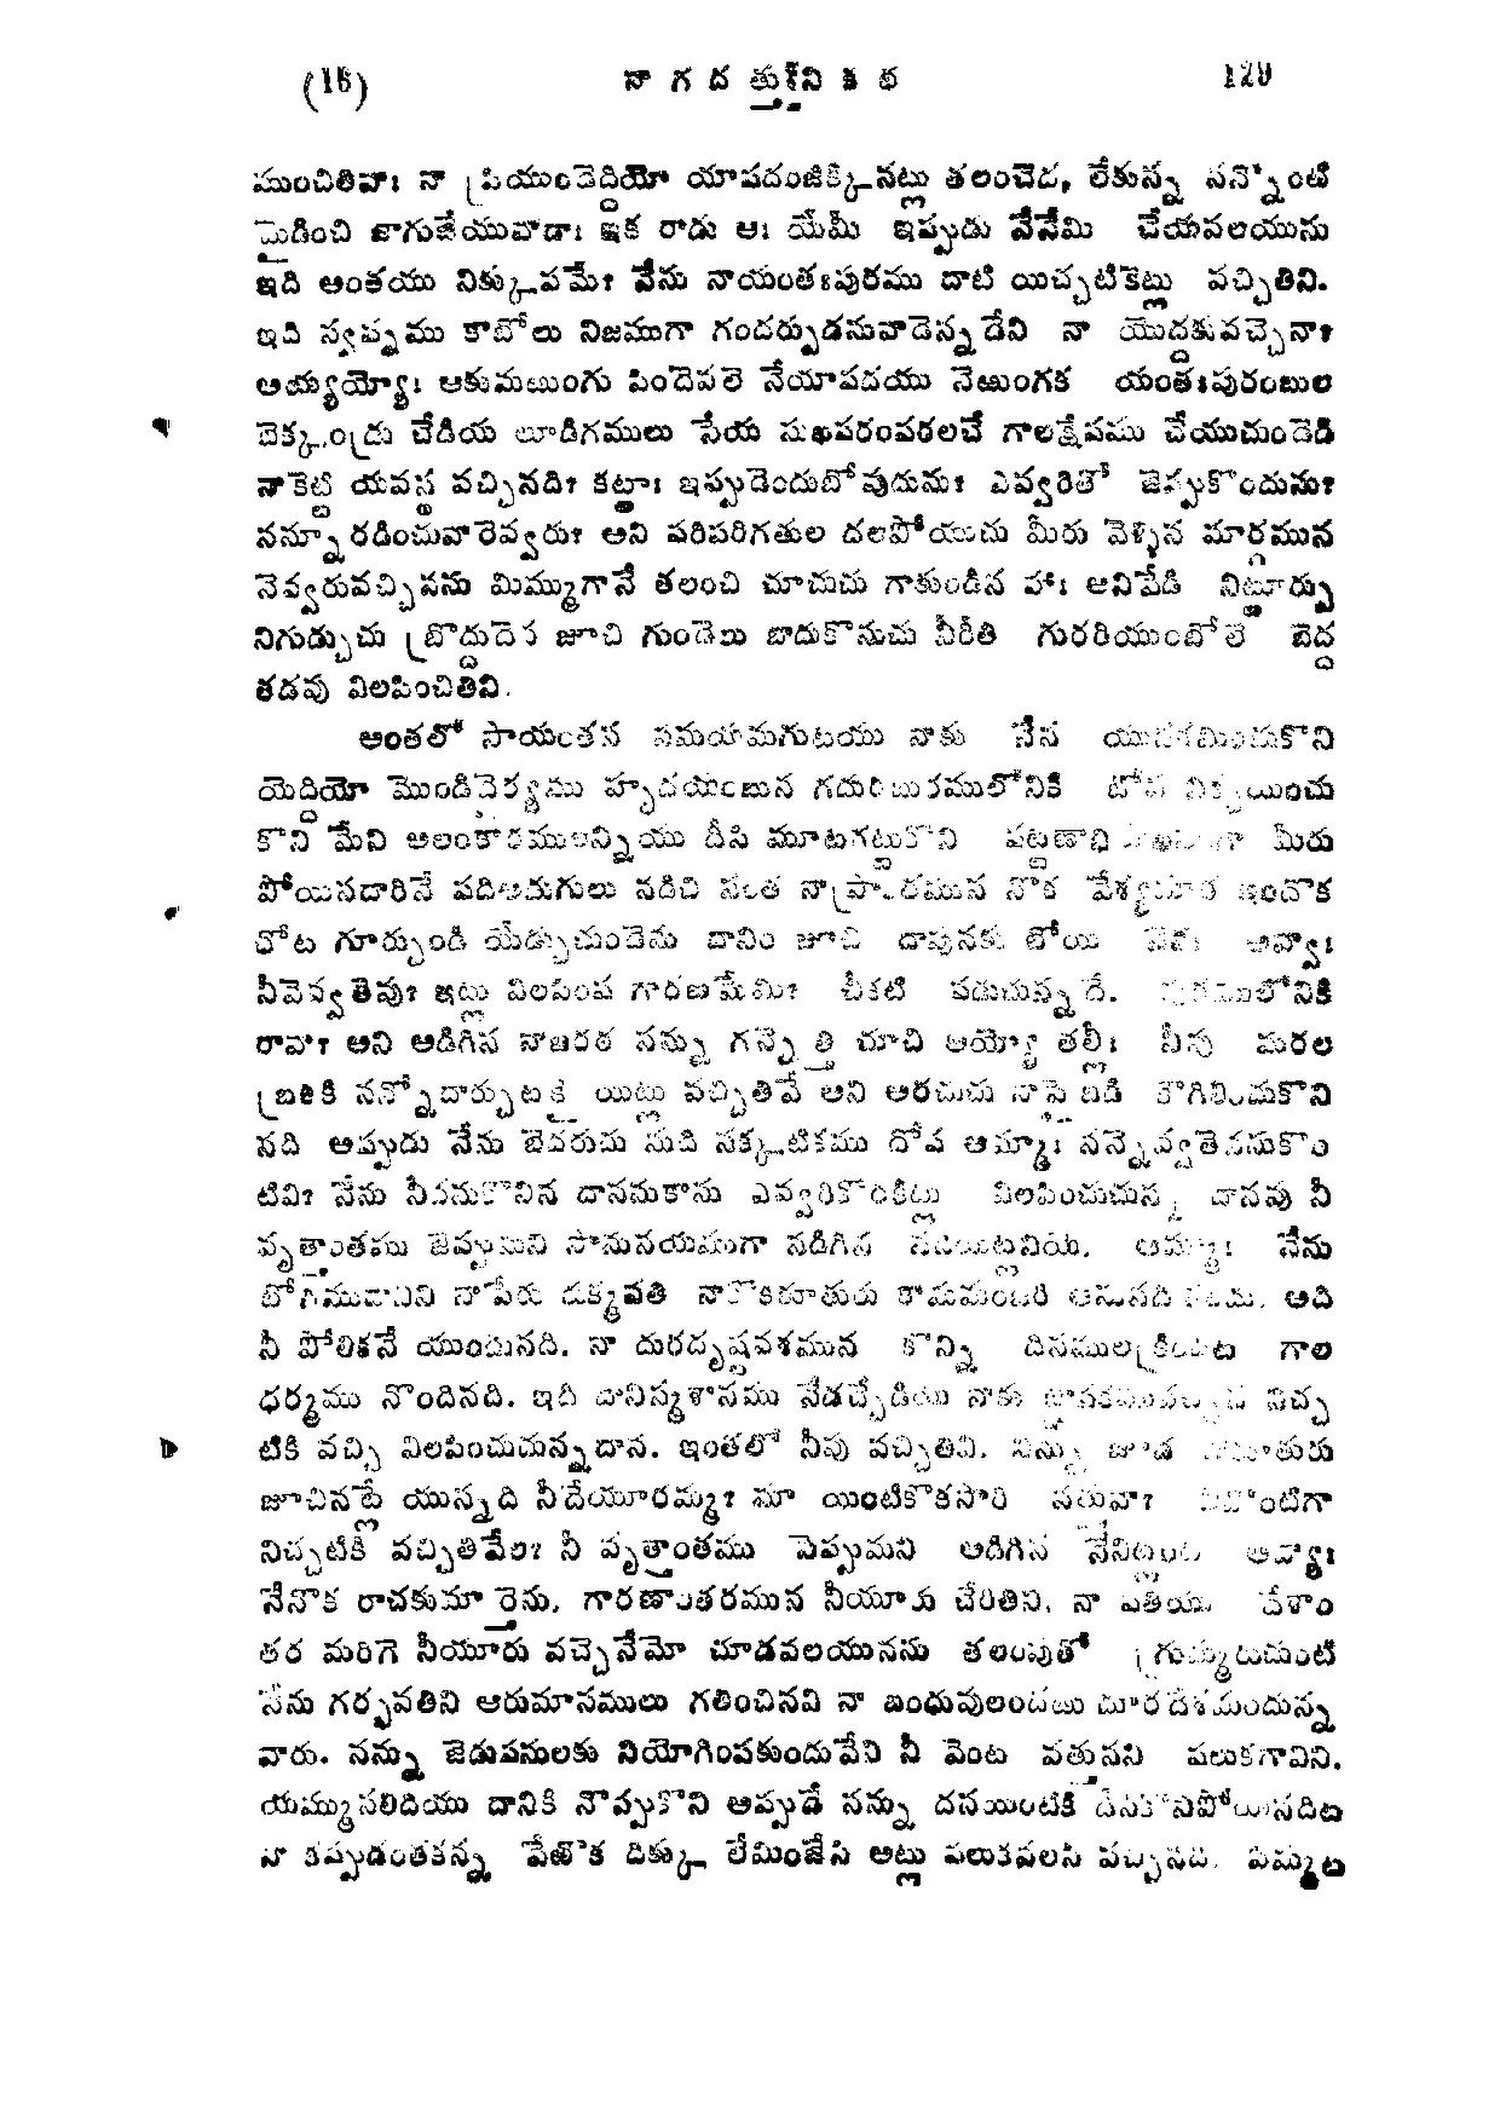ముంచితివా! నా ప్రియుం డెద్దియో యాపదంజిక్కినట్లు తలంచెద, లేకున్న నన్నొంటిమై డించి జాగుజేయువాడా? ఇక రాడు ఆ! యేమీ ఇప్పుడు నేనేమి చేయవలయును ఇది అంతయు నిక్కువమే! నేను నాయంతఃపురము దాటి యిచ్చటికెట్లు వచ్చితిని. ఇది స్వప్నము కాబోలు నిజముగా గందర్పుడనువాడెన్న డేని నా యొద్దకువచ్చెనా? అయ్యయ్యో! ఆకుమఱుంగుపిందెవలె నేయాపదయు నెఱుంగక యంతఃపురంబుల బెక్కండ్రు చేడియ లూడిగములు సేయ సుఖపరంపరలచే గాలక్షేపము చేయుచుండెడి నాకెట్టి యవస్థ వచ్చినది? కట్టా ఇప్పు డెందు బోవుదును? ఎవ్వరితో చెప్పుకొందును? న న్నూరడించువారెవ్వరు? అని పరిపరిగతుల దలపోయుచు మీరు వెళ్ళిన మార్గమున నెవ్వరు వచ్చినను మిమ్ముగానే తలంచి చూచుచు గాకుండిన హా! అనివేడి నిట్టూర్పు నిగుడ్చుచు బ్రొద్దుదెస జూచి గుండెలు బాదుకొనుచు నీరీతి గురరియుంబోలె బెద్ద తడవు విలపించితిని.

అంతలో సాయంతన సమయమగుటయు నాకు నేన యుపశమించుకొని యెద్దియో మొండిదైర్యము హృదయంబున గదుర బురములోనికి బోవ నిశ్చయించుకొని మేని అలంకారములన్నియు దీసి మూటగట్టుకొని పటణాభిముఖముగా మీరు పోయినదారినే పదిఅడుగులు నడిచి నంత నాప్రాంతమున నొక వేశ్యమాత ఇందొకచోట గూర్చుండి యేడ్చుచుండెను దానిం జూచి దాపునకు బోయి నేను అవ్వా! నీ వెవ్వతెవు? ఇట్లు విలపింప గారణమేమి? చీకటి పడుచున్నదే పురములోనికి రావా? అని అడిగిన నాజరఠ నన్ను గన్నెత్తి చూచి అయ్యో తల్లీ! నీవు మరల బ్రతికి నన్నోదార్చుటకై యిట్లు వచ్చితివే అని అరచుచు నాపై బడి కౌగిలించుకొనినది అప్పుడు నేను బెదరుచు నుది నక్కటికము దోప ఆమ్మా! నన్నెవ్వతెననుకొంటివి? నేను నీవనుకొనిన దాననుకాను ఎవ్వరికొరకిట్లు విలపించుచున్నదానవు నీ వృత్తాంతము జెప్పుమని సానునయముగా నడిగిన నది యిట్లనియె. అమ్మా! నేను బోగముదానిని నాపేరు రుక్మవతి నాకొకకూతురు కామమంజరి అనునది కలదు. అది నీ పోలికనే యుండునది. నా దురదృష్టవశమున కొన్ని దినములక్రిందట గాలధర్మము నొందినది. ఇది దానిస్మశానము నే డచ్చేడియ నాకు జ్ఞాపకమువచ్చిన నిచ్చటికి వచ్చి విలపించుచున్న దాన. ఇంతలో నీవు వచ్చితివి. నన్ను జూడ నాకూతురు జూచినట్లే యున్నది నీదేయూరమ్మ? మా యింటికొకసారి వత్తువా? నీవొంటిగా నిచ్చటికి వచ్చితివేల? నీ వృత్తాంతము సెప్పుమని అడిగిన నేనిట్లంటి అవ్వా! నేనొక రాచకుమార్తెను. గారణాంతరమున నీయూరు చేరితిని. నా పతియు దేశాంతర మరిగె నీయూరు వచ్చెనేమో చూడవలయునను తలంపుతో గ్రుమ్మరుచుంటి నేను గర్భవతిని ఆరుమాసములు గతించినవి నా బంధువులందఱు దూరదేశమందున్న వారు. నన్ను జెడుపనులకు నియోగింపకుందు వేని నీ వెంట వత్తునని పలుకగావిని యమ్ముసలిదియు దానికి నొప్పుకొని అప్పుడే నన్ను దన యింటికి దీసికొనిపోయినదిట నా కప్పు డంతకన్న వేఱొకదిక్కు లేమింజేసి అట్లు పలుకవలసి వచ్చినది. పిమ్మట